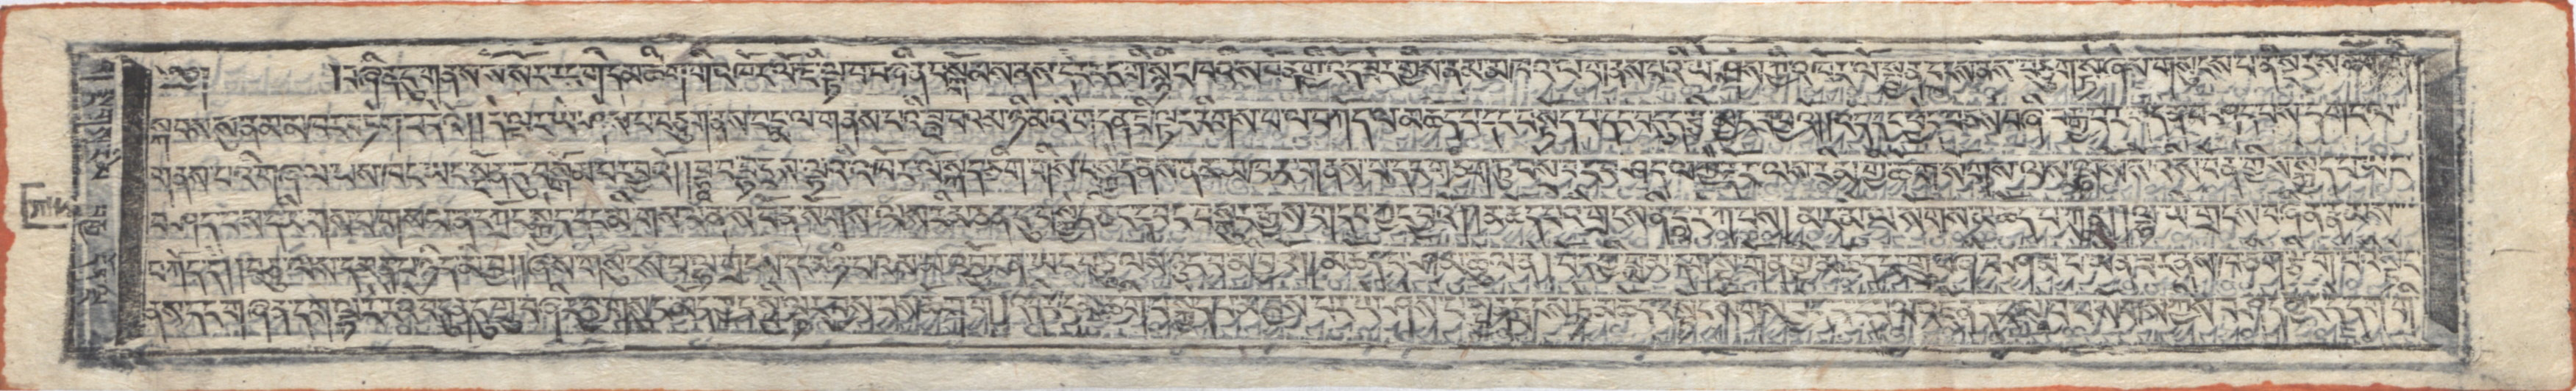༄༅། །བཞིན་དུ་གནས་སོ་སོར་རང་གི་དམ་ཚིག་གི་འཁོར་ལོ་ཇི་ལྟ་བ་བཞིན་བསྒོམས་ནས་དེར་རང་གི་སྙིང་ཁའི་ས་བོན་གྱི་འོད་ཟེར་གྱིས་ནམ་མཁའ་ལ་གནས་པའི་ཡེ་ཤེས་ཀྱི་འཁོར་ལོ་སྤྱན་དྲངས་ནས་བཅུག་སྟེ་ཞེས་གསུངས་པ་ནི་སྔར་ས་ཆོག་གི་
སྐབས་སུ་ནམ་མཁར་བཏེག་པ་དེའོ། །དེ་ལྟར་ཡེ་ཤེས་པ་བཅུག་ནས་པདམ་ལ་གནས་པའི་ཟླ་བའམ་ཉི་མའི་གདན་ཇི་ལྟར་རིགས་པ་ལ་བཀོད་ལ་མཆོད་པ་དང་བསྟོད་པ་དང་བདུད་རྩི་མྱང་བ་བྱའོ། །འདི་དང་ཕྱེད་བཅས་བཞི་བརྒྱ་པར་གདན་བཤད་པས་དེ་གང་ལ་
གནས་པའི་གཞལ་ཡས་ཁང་ཡང་སྔོན་དུ་བསྒོམ་པར་བྱའོ། །བྷཱ་བ་བྷ་དྲས་ལྷའི་འཁོར་ལོ་སྐད་ཅིག་གིས་བསྐྱེད་ནས་ནམ་མཁར་གནས་པ་དང་གཅིག་ཏུ་བསྲེ་བར་བཤད་ལ་ཀྱཻ་རྡོར་ལས་རིམ་གྱི་ཆོ་ག་སོགས་ལས་ལྷ་སོ་སོའི་ས་བོན་གྱིས་སྐྱེད་པ་ཡང་
བཤད་པས་དམིགས་པ་གསལ་ན་དཀྲོང་སྐྱེད་དང་མི་གསལ་ན་ས་བོན་སོགས་ལས་རིམ་ཅན་དུ་བསྐྱེད་ཅིང་དབང་བསྐུར་རྒྱས་གདབ་ཀྱང་བྱའོ། །མཆོད་པའི་གྲངས་ནི་དཱ་རི་ཀ་པས། མར་མེ་ལ་སོགས་མཆོད་པ་ཀུན། །ལྷ་ཡི་གྲངས་བཞིན་རྣམས་
བཀོད་དེ། །བཅུ་ལས་དམན་པ་ཉིད་མི་བྱ། །ཞེས་གསུངས་པ་ལྷ་གྲངས་དང་མཉམ་པའམ་མ་འབྱོར་ན་ཡང་བཅུ་ལས་ཉུང་བ་མི་བྱའོ། །མཆོད་པ་ཤམ་ཚུལ་ནི། བོད་ཀྱི་བླ་མ་དག་སྟ་གོན་གྱི་མཆོད་པ་གྲུ་བཞི་བཤམ་པ་ཡིན་ཟེར་ནས་ཁ་ཅིག་རྩིག་པའི་སྟེང་
ནས་དང་གཞན་དག་ལྷ་རེ་རེའི་བདུན་དུ་གྲུ་བཞིར་བྱ་གསུང་མོད་ཀྱང་སྤྱི་ལྟར་བྱས་པས་ཆོག་གོ །འདིར་དམ་ཚིག་པ་སྐྱེད་པ་མ་བྱས་པར་ཡེ་ཤེས་པ་སྤྱན་དྲངས་ཏེ་མཆོད་བསྟོད་སོགས་བྱེད་པ་དཔལ་འཛིན་དང་ལྭ་བ་པ་སོགས་ཀྱིས་བཤད་ཀྱང་དེ་དག་གི་